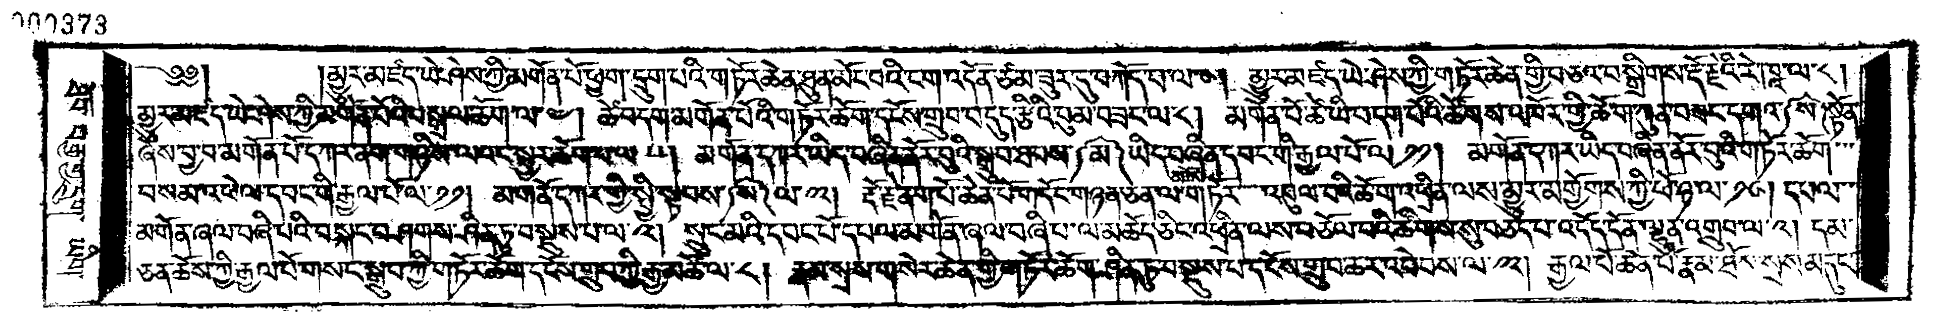༄༅། །མྱུར་མཛད་ཡེ་ཤེས་ཀྱི་མགོན་པོ་ཕྱག་དྲུག་པའི་གཏོར་ཆེན་ཐུན་མོང་བའི་ངག་འདོན་ཙམ་ཟུར་དུ་བཀོད་པ་ལ ༦། མྱུར་མཛད་ཡེ་ཤེས་ཀྱི་གཏོར་ཆེན་གྱི་བཅའ་བསྒྲིགས་རྡོ་རྗེའི་རེ་ཁཱ་ལ ༨།
མྱུར་མཛད་ཡེ་ཤེས་ཀྱི་མགོན་པོའི་བསྒྲལ་ཆོག་ལ ༤། ཚེ་བདག་མགོན་པོའི་གཏོར་ཆོག་དངོས་གྲུབ་བདུད་རྩིའི་བུམ་བཟང་ལ ༨། མགོན་པོ་ཚེ་ཡི་བདག་པོའི་ཚོགས་འཁོར་གྱི་ཆོ་ག་ཀུན་བཟང་དགའ ༼ས༽ སྟོན་
ཞེས་བྱ་བ་མགོན་པོ་དཀར་ནག་གཉིས་ལའང་སྦྱར་ཆོག་པ་ལ ༥། མགོན་དཀར་ཡིད་བཞིན་ནོར་བུའི་སྒྲུབ་ཐབས ༼མ༽ ཡིད་བཞིན་དབང་གི་རྒྱལ་པོ་ལ ༡༡། མགོན་དཀར་ཡིད་བཞིན་ནོར་བུའི་གཏོར་ཆོག་
བསམ་འཕེལ་དབང་གི་རྒྱལ་པོ་ལ ༡༡། མགོན་དཀར་གྱི་སྤྱི་སྟབས ༼ས༽ ལ ༣། རྡོ་རྗེ་ནག་པོ་ཆེན་པོ་གདོང་གཉན་ཅན་ལ་གཏོར་འབུལ་བའི་ཆོ་ག་འཕྲིན་ལས་མྱུར་མགྱོགས་ཀྱི་ཕོ་ཉ་ལ ༡༦། དཔལ་
མགོན་ཞལ་བཞི་པའི་བསྐང་བཤགས་ཤིན་ཏུ་བསྡུས་པ་ལ ༢། སྲུང་མའི་དབང་པོ་དཔལ་མགོན་ཞལ་བཞི་པ་ལ་མཆོད་ཅིང་འཕྲིན་ལས་བཅོལ་བའི་ཚིགས་སུ་བཅད་པ་འདོད་དོན་ལྷུན་འགྲུབ་ལ ༢། དམ་
ཅན་ཆོས་ཀྱི་རྒྱལ་པོ་གསང་སྒྲུབ་ཀྱི་གཏོར་ཆོག་དངོས་གྲུབ་ཀྱི་རྒྱ་མཚོ་ལ ༨། རྣམ་སྲས་གསེར་ཆེན་གྱི་གཏོར་ཆོག་ཤིན་ཏུ་བསྡུས་པ་དངོས་གྲུབ་ཆར་འབེབས་ལ ༣། རྒྱལ་པོ་ཆེན་པོ་རྣམ་ཐོས་སྲས་མདུང་